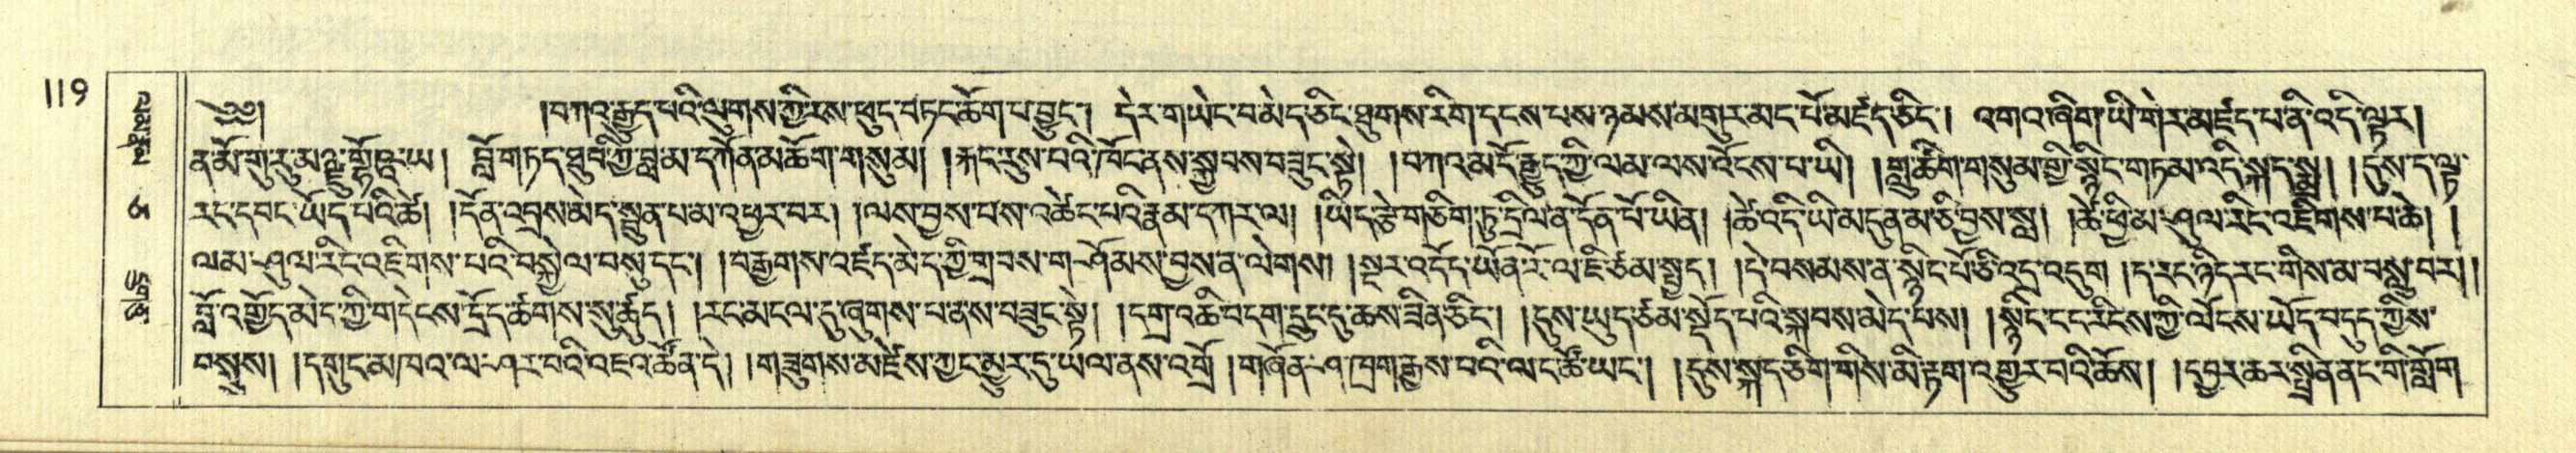༄༅། །བཀའ་རྒྱུད་པའི་ལུགས་ཀྱི་རས་ཕུད་བཏང་ཆོག་པ་བྱུང་། དེར་གཡེང་བ་མེད་ཅིང་ཐུགས་རིག་དངས་པས་ཉམས་མགུར་མང་པོ་མཛད་ཅིང་། འགའ་ཞིག་ཡི་གེར་མཛད་པ་ནི་འདི་ལྟར།
ན་མོ་གུ་རུ་མཉྫུ་གྷོཥཱ་ཡ། བློ་གཏད་ཐུབ་ཀྱི་བླ་མ་དཀོན་མཆོག་གསུམ། །རྐང་རུས་པའི་ཁོང་ནས་སྐྱབས་བཟུང་སྟེ། །བཀའ་མདོ་རྒྱུད་ཀྱི་ལམ་ལས་འོངས་པ་ཡི། །གླུ་ཚིག་གསུམ་གྱི་སྙིང་གཏམ་འདི་སྐད་སྨྲ། །དུས་ད་ལྟ་
རང་དབང་ཡོད་པའི་ཚེ། །དོན་འབྲས་མེད་སྦུན་པ་མ་འཕྱར་བར། །ལས་བྱས་པས་འཚེང་པའི་རྣམ་དཀར་ལ། །ཡིད་རྩེ་གཅིག་ཏུ་དྲིལ་ན་དོན་པོ་ཡིན། །ཚེ་འདི་ཡི་མདུན་མ་ཅི་བྱས་སླ། །ཚེ་ཕྱི་མ་ཤུལ་རིང་འཇིགས་པ་ཆེ། །
ལམ་ཤུལ་རིང་འཇིགས་པའི་བསྐྱེལ་བསུ་དང་། །བརྒྱགས་འཛད་མེད་ཀྱི་གྲབས་གཤོམས་བྱས་ན་ལེགས། །སྔར་འདོད་ཡོན་རོ་ལ་ཇི་ཙམ་སྤྱད། །དེ་བསམས་ན་སྙིང་པོ་ཅི་འདྲ་འདུག །ད་རང་ཉིད་རང་གིས་མ་བསླུ་བར། །
བློ་འགྱོད་མེད་ཀྱི་གདེངས་དྲོད་ཚགས་སུ་ཚུད། །རང་མངལ་དུ་ཞུགས་པ་ནས་བཟུང་སྟེ། །དགྲ་འཆི་བདག་དྲུང་དུ་ཆས་ཟིན་ཅིང་། །དུས་ཡུད་ཙམ་སྡོད་པའི་སྐབས་མེད་པས། །སྙིང་དང་རིངས་ཀྱི་ལོངས་ཡོད་བདུད་ཀྱིས་
བསླུས། །དགུང་མཁའ་ལ་ཤར་བའི་འཇའ་ཚོན་དེ། །གཟུགས་མཛེས་ཀྱང་མྱུར་དུ་ཡལ་ནས་འགྲོ་།གཞོན་ཤ་ཁྲག་རྒྱས་པའི་ལང་ཚོ་ཡང་། །དུས་སྐད་ཅིག་གིས་མི་རྟག་འགྱུར་བའི་ཆོས། །དབྱར་ཆར་སྤྲིན་ནང་གི་གློག་